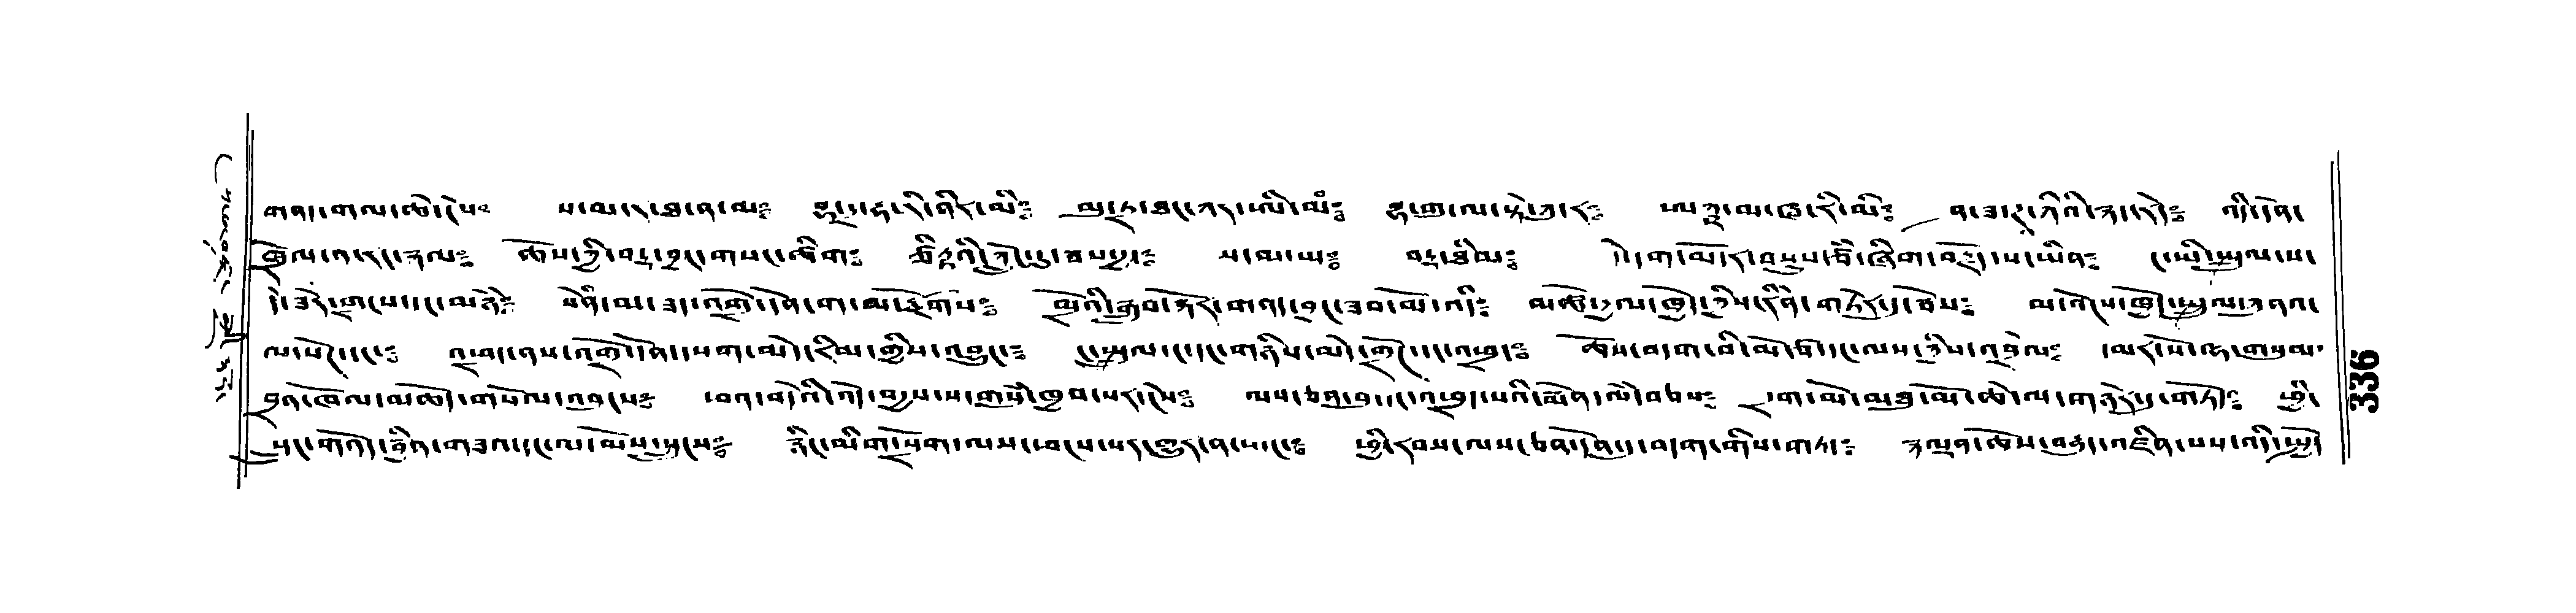གནད་གལ་ཆེ་ངེས༔ ས་མ་ར་ཐ་ན་མ༔ བྷ་དྲ་དྷ་རི་ནིར་མི༔ མུ་ཏྲ་ཐང་ཀར་ཨི་མཾ༔ བྷ་གུ་ལ་སྟེ་ཀུ་ར༔ ཨཀྵ་མ་ཝ་རི་མི༔ ཤ་ཟ་ཌཱ་ཀིའི་སྐད་རེད༔ འདི་དོན་
གྲོལ་ན་རང་སྐལ༔ ཆོས་ཀྱི་བརྡ་བྱང་གསང་ཚིག༔ ཙིཏྟའི་ཀློང་དུ་སྦས་རྒྱ༔ ས་མ་ཡ༔ བརྡ་ཐིམ༔ དེ་དག་མདོར་བསྡུས་ཙམ་ཞིག་བརྗོད་པ་ཡིན༔ ང་ཡི་སྤྲུལ་པ་
ཉི་ཟེར་གྲངས་དང་མཉམ༔ སེམས་ཅན་མ་ཟད་འགྲོ་དོན་ག་ལ་རྫོགས༔ མཁའ་འགྲོའི་སྒྲུབ་སྐོར་གནད་བྱང་ཟབ་མོ་འདི༔ མཚོ་རྒྱལ་ཁྱོད་ཀྱིས་རིན་ཆེན་གཏེར་དུ་སྦོས༔ མ་འོངས་ཁྱོད་སྤྲུལ་ཀུན་དགའ་
ལ་སོགས་དང༔ འཕྲད་ནས་འགྲོ་དོན་དཔག་མེད་རིམ་གྱིས་འབྱུང༔ ང་སྤྲུལ་ང་དང་གཉིས་མེད་གྲོགས་དང་འཕྲད༔ ཆོས་བདག་བི་མོ་ཙ་དང་ལས་ཀྱིས་འབྲེལ༔ དམར་པོ་ལྷ་གསུམ་
བྲན་ཁོལ་མཆོད་གསོལ་འབུངས༔ ཕན་བདེའི་འོད་བརྒྱས་ས་གསུམ་ཁྱབ་པར་ངེས༔ ལས་ཅན་བུ་དང་འཕྲད་པའི་སྨོན་ལམ་བཅས༔ དྲག་མོ་མཐུ་མོ་ཆེ་ལ་གཉེར་དུ་གཏོད༔ ཕྱི་
སྲུང་གནོད་སྦྱིན་གཟའ་དང་མ་མོས་སྲུངས༔ སྙིང་མིག་སྲོག་ལས་ཕངས་པར་གྱུར་ན་ཡང༔ ཕྱི་རབས་ལས་ཅན་དོན་དུ་བདག་གིས་གཏད༔ སྐལ་ལྡན་ཆོས་བརྒྱུད་འཛིན་པས་འདི་སྤྱོད་